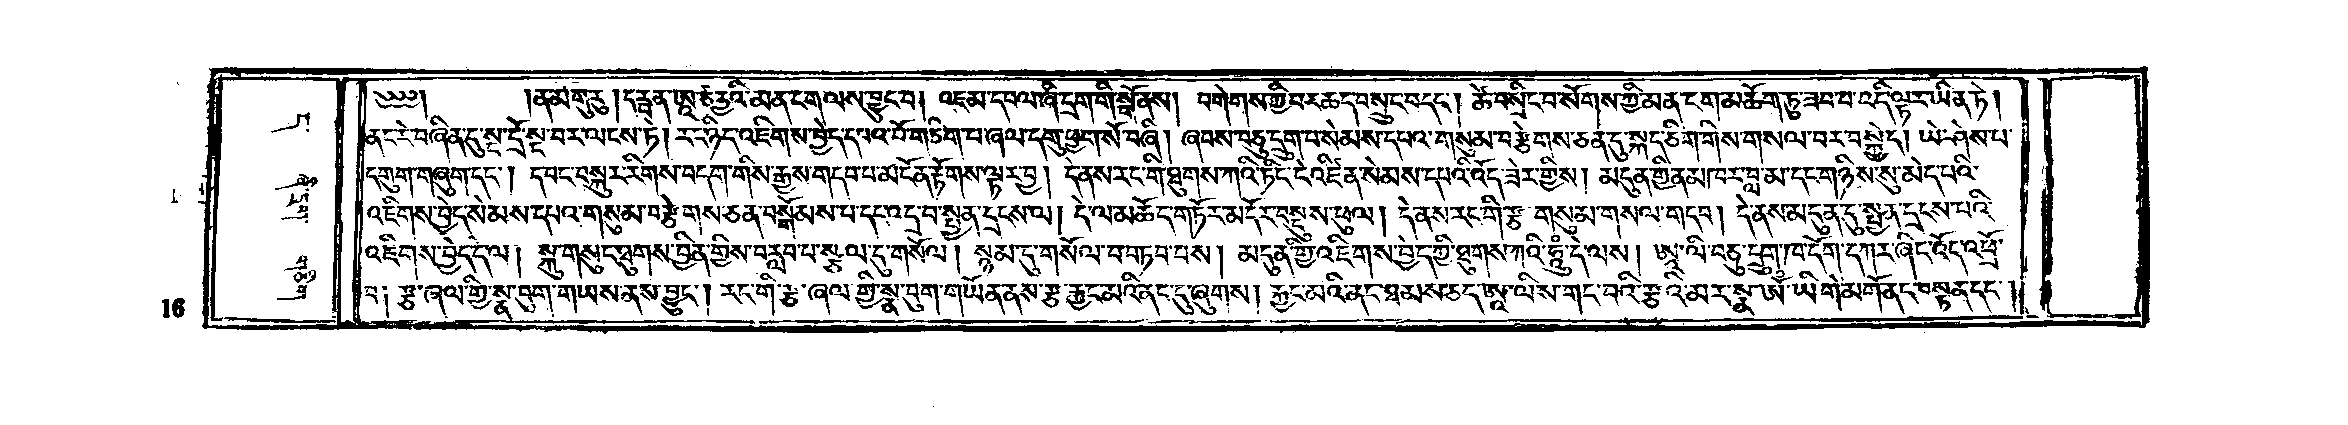༄༅༅། །ན་མོ་གུ་རུ། དརྦན་ཨཱ་ཙརྱའི་མན་ངག་ལས་བྱུང་བ། འཇམ་དཔལ་ཞི་དྲག་གི་སྒོ་ནས། བགེགས་ཀྱི་བར་ཆད་བསྲུང་བ་དང་། ཚེ་བསྲིང་བ་སོགས་ཀྱི་མན་ངག་མཆོག་ཏུ་ཟབ་པ་འདི་ལྟར་ཡིན་ཏེ།
ནང་རེ་བཞིན་དུ་སྔ་དྲོ་སྔ་བར་ལངས་ཏེ། རང་ཉིད་འཇིགས་བྱེད་དཔའ་བོ་གཅིག་པ་ཞལ་དགུ་ཕྱག་སོ་བཞི། ཞབས་བཅུ་དྲུག་པ་སེམས་དཔའ་གསུམ་བརྩེགས་ཅན་དུ་སྐད་ཅིག་གིས་གསལ་བར་བསྐྱེད། ཡེ་ཤེས་པ་
དགུག་གཞུག་དང་། དབང་བསྐུར་རིགས་བདག་གིས་རྒྱས་གདབ་པ་མངོན་རྟོགས་ལྟར་བྱ། དེ་ནས་རང་གི་ཐུགས་ཀའི་ཏིང་ངེ་འཛིན་སེམས་དཔའི་འོད་ཟེར་གྱིས། མདུན་གྱི་ནམ་མཁར་བླ་མ་དང་གཉིས་སུ་མེད་པའི་
འཇིགས་བྱེད་སེམས་དཔའ་གསུམ་བརྩེགས་ཅན་བསྒོམས་པ་དང་འདྲ་བ་སྤྱན་དྲངས་ལ། དེ་ལ་མཆོད་གཏོར་མདོར་བསྡུས་ཕུལ། དེ་ནས་རང་གི་རྩ་གསུམ་གསལ་གདབ། དེ་ནས་མདུན་དུ་སྤྱན་དྲངས་པའི་
འཇིགས་བྱེད་དེ་ལ། སྐུ་གསུང་ཐུགས་བྱིན་གྱིས་བརླབ་པ་སྩལ་དུ་གསོལ། སྙམ་དུ་གསོལ་བ་བཏབ་པས། མདུན་གྱི་འཇིགས་བྱེད་ཀྱི་ཐུགས་ཀའི་ཧཱུཾ་དེ་ལས། ཨཱ་ལི་བཅུ་དྲུག་ཁ་དོག་དཀར་ཞིང་འོད་འཕྲོ་
བ། རྩ་ཞལ་གྱི་སྣ་བུག་གཡས་ནས་བྱུང་། རང་གི་རྩ་ཞལ་གྱི་སྣ་བུག་གཡོན་ནས་རྩ་རྐྱང་མའི་ནང་དུ་ཞུགས། རྐྱང་མའི་ནང་ཐམས་ཅད་ཨཱ་ལིས་གང་བའི་རྩའི་མར་སྣ་ཨོཾ་ཡི་གེ་མགོ་ནང་བསྟན་དང་།